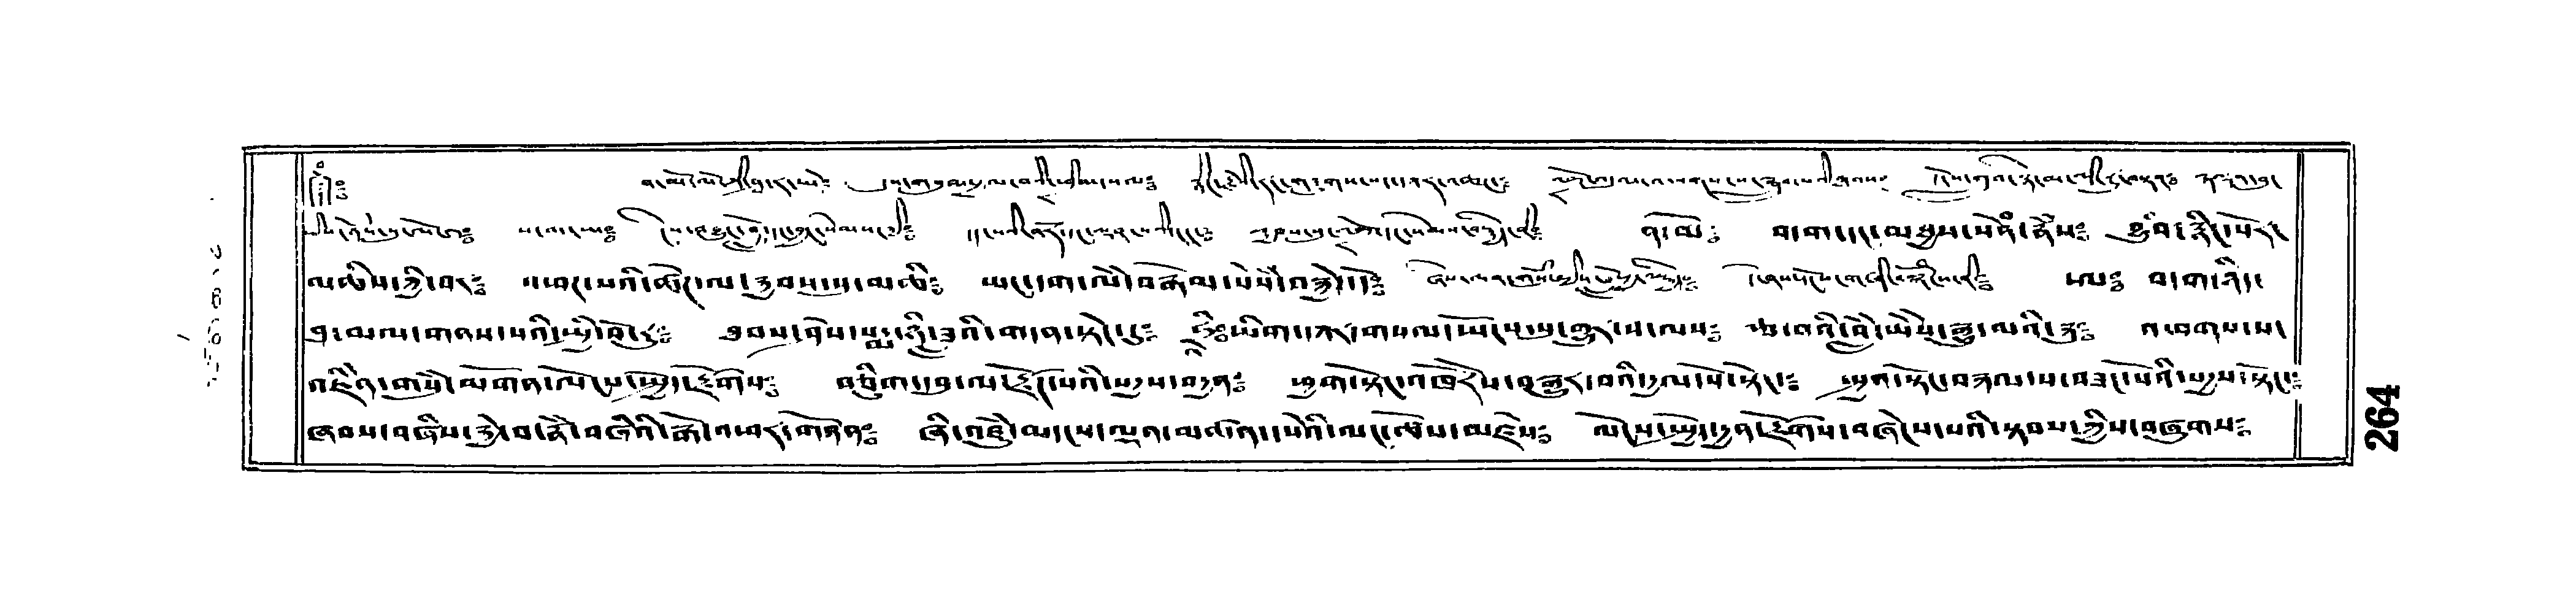ན་མོ་ལོ་ཀི་ཤྭ་ར་ཡེ༔ དུས་གསུམ་རྒྱལ་བའི་ཕྲིན་ལས་དཔལ༔ སྙིང་རྗེའི་རང་གཟུགས་པད་དཀར་འཆང༔ འགྲོ་འདུལ་འཕགས་པ་སྒྲུབ་པའི་ཐབས༔ དངོས་གྲུབ་སྙེ་མ་འདི་རུ་བསྟན༔ སྐལ་ལྡན་བུ་
ཡིས་ཉམས་སུ་ལོངས༔ ས་མ་ཡ༔ ངེས་འབྱུང་བློ་དང་བྱང་སེམས་ཀྱི༔ དད་པའི་ནོར་དང་ལྡན་པའི་ངང༔ སྐྱབས་སུ་འགྲོ་དང་སེམས་བསྐྱེད་ནི༔ ན་མོ༔ བདག་དང་མཐའ་ཡས་སེམས་ཅན་རྣམས༔ བྱང་ཆུབ་སྙིང་པོར་
མཆིས་ཀྱི་བར༔ འཕགས་པའི་ཚོགས་ལ་སྐྱབས་སུ་མཆི༔ ཡང་དག་ལམ་བསྒོམ་སེམས་བསྐྱེད་དོ༔ ཞེས་ལན་གསུམ་གྱིས་བློ་རྒྱ་བསྐྱེད༔ དེ་ནས་དངོས་གཞི་བསྒོམ་པ་ནི༔ ཨཱཿ བདག་ཉིད་
ཐ་མལ་གནས་པའི་སྤྱི་བོ་རུ༔ ཐབས་ཤེས་པདྨ་ཉི་ཟླའི་གདན་སྟེང་དུ༔ ཧྲཱིཿཡིག་དཀར་གསལ་ཡོངས་སུ་གྱུར་པ་ལས༔ རྩ་བའི་བླ་མ་ཡེ་ཤེས་སྒྱུ་མའི་སྐུ༔ འཕགས་པ་
འཇིག་རྟེན་གསུམ་མགོན་ལོངས་སྤྱོད་རྫོགས༔ བཅུ་གཅིག་དབུ་ལ་རྫོགས་པའི་སངས་རྒྱས་བརྒྱན༔ ཕྱག་སྟོང་འཁོར་ལོས་བསྒྱུར་བའི་རྒྱལ་པོ་སྟོང༔ སྤྱན་སྟོང་བསྐལ་པ་བཟང་པོའི་སངས་རྒྱས་སྟོང༔ 
ཞབས་བཞིས་སྐྱེ་བ་རྣམ་བཞིའི་སྒོ་འཕར་གནོན༔ ཞི་འཛུམ་མདངས་ལྡན་མཚན་དཔེའི་ལང་ཚོས་མཛེས༔ ལོངས་སྤྱོད་རྒྱན་རྫོགས་བཞེངས་པའི་སྟབས་ཀྱིས་བཞུགས༔